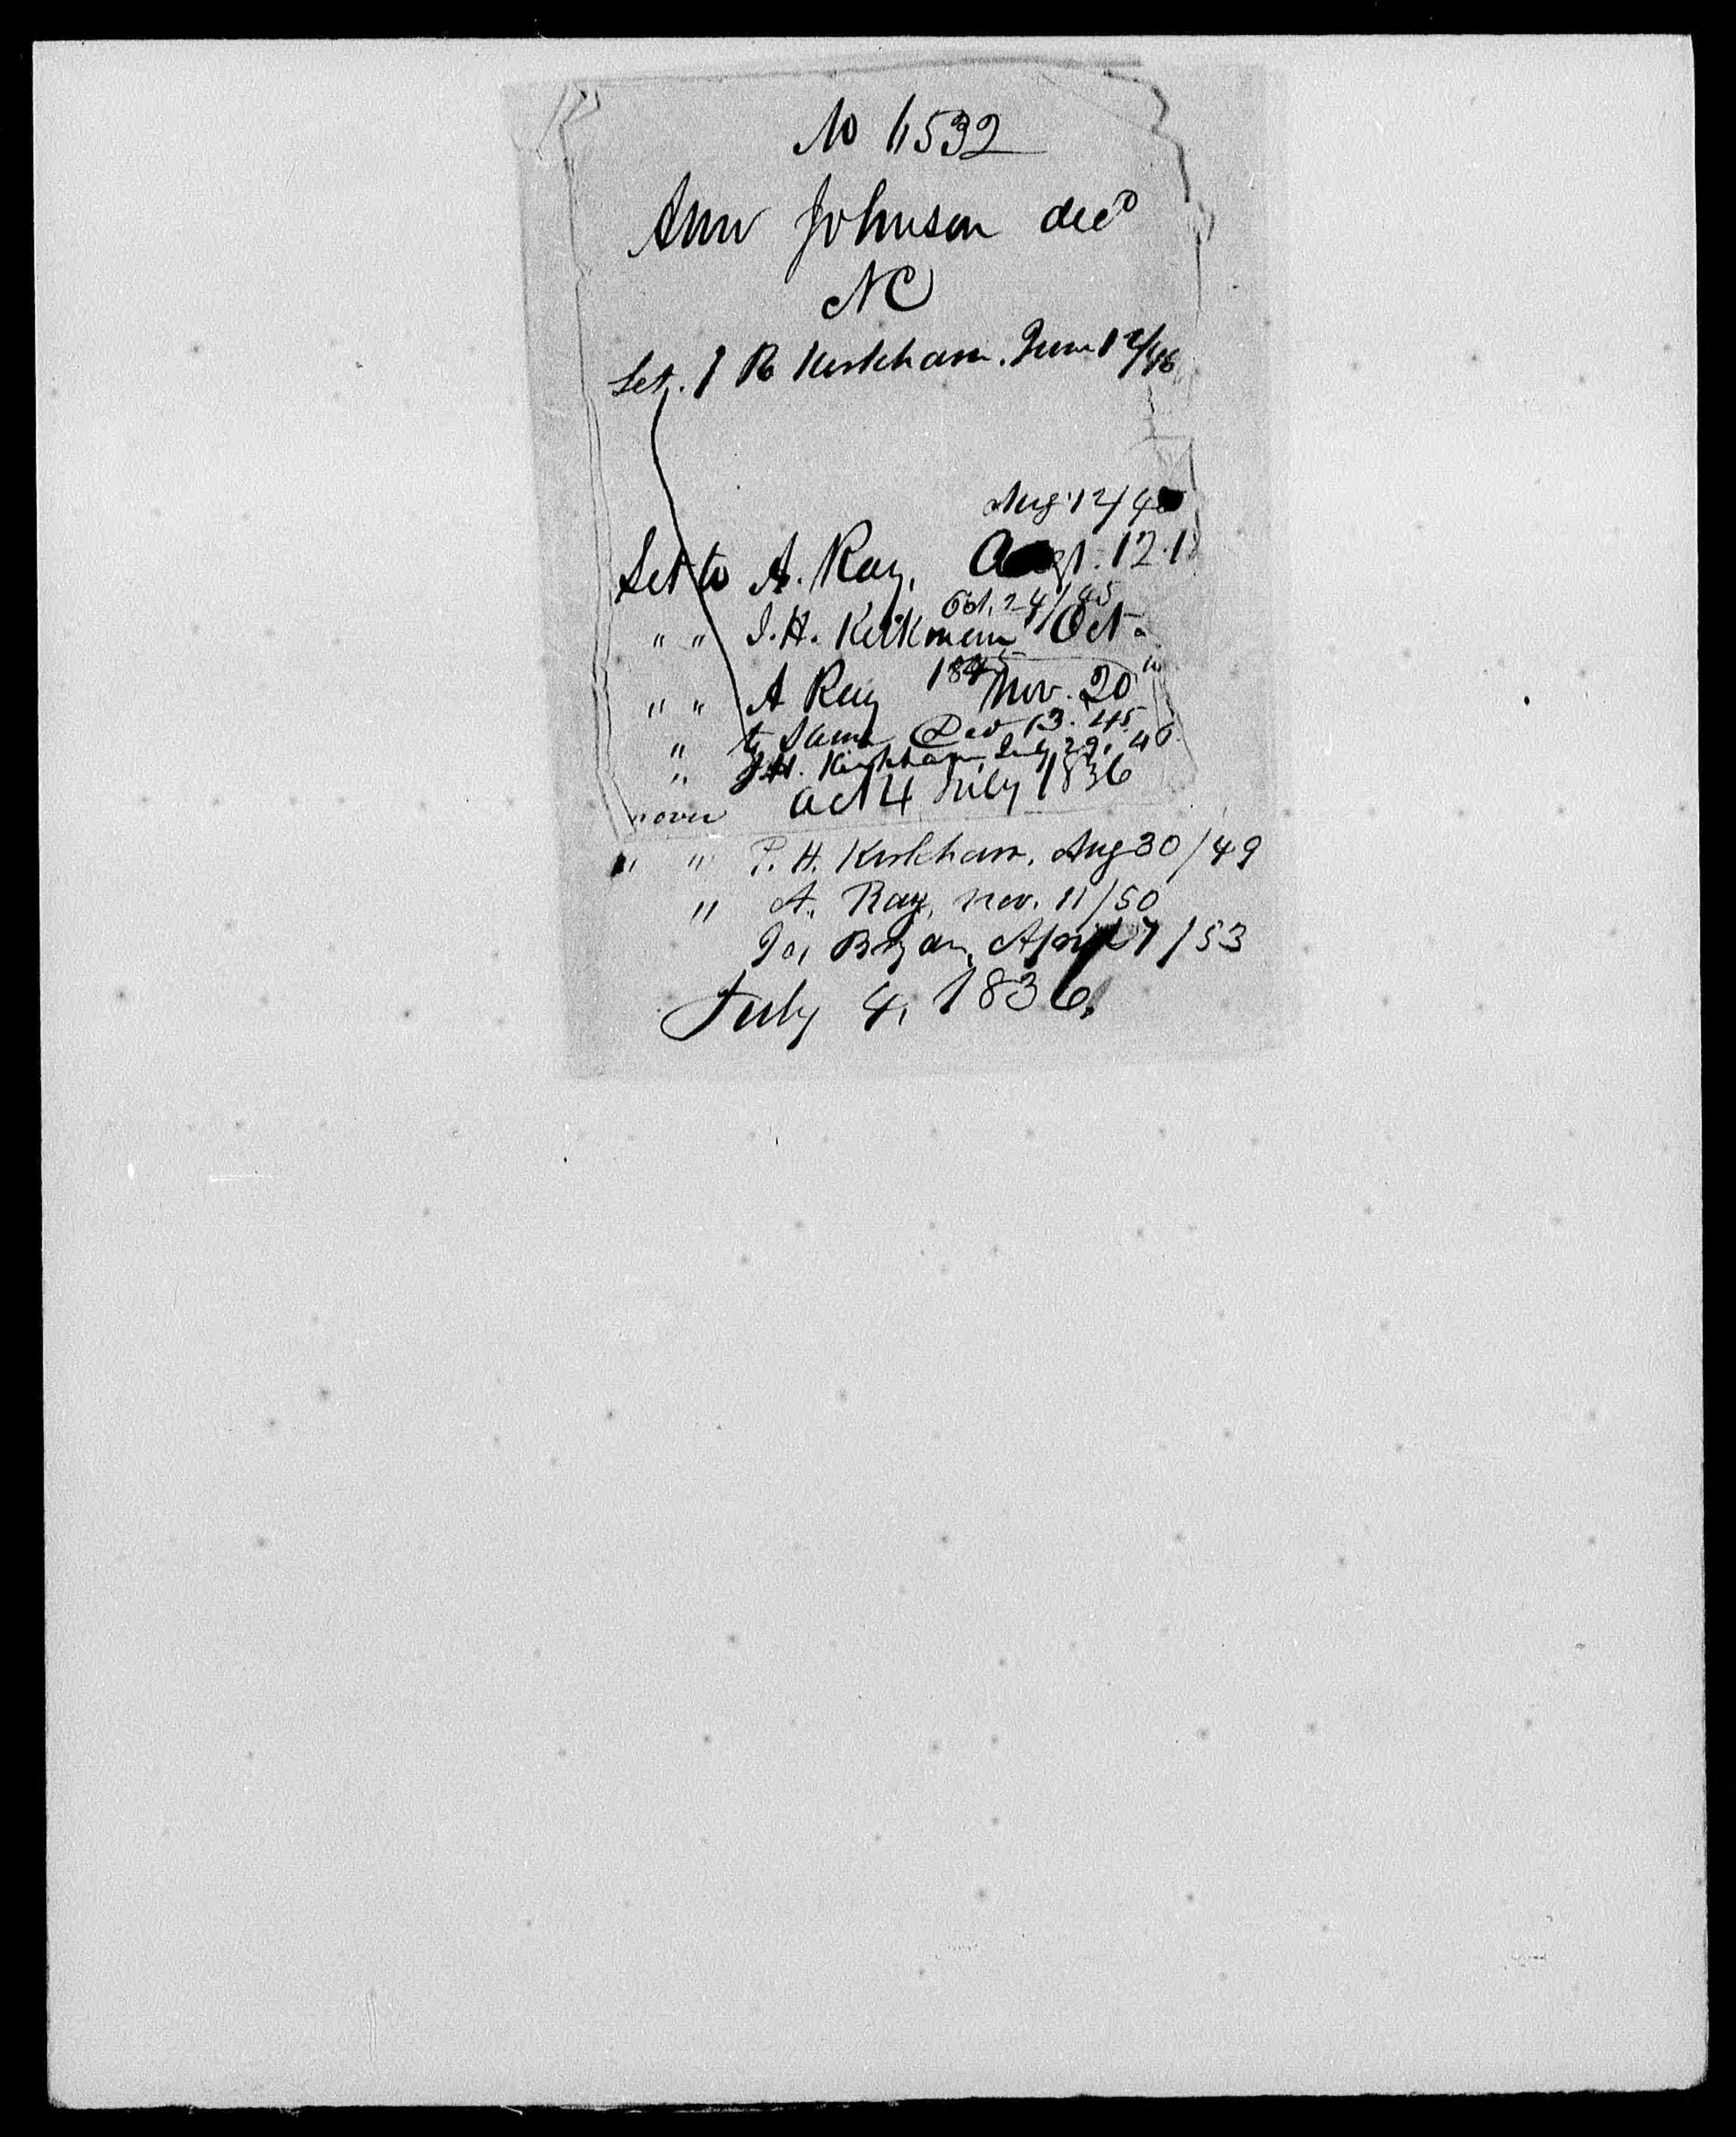No. 6532
Ann Johnson dead
N.C.
[Illegible]
Sent to A. Ray, August 14 1845
J. H. Kirkham October 24, 1845
A. Ray November 20, 1845
To Same December 13, 1845
J. H. Kirkham July 29, 1846
Act 4 July 1836
P.H. Kirkham August 30, 1849
A. Ray November 11, 1850
Jo Benson April 7, 1853
July 4, 1836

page: 18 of 74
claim: rejected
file: R. 5600, for Abel Johnson, North Carolina